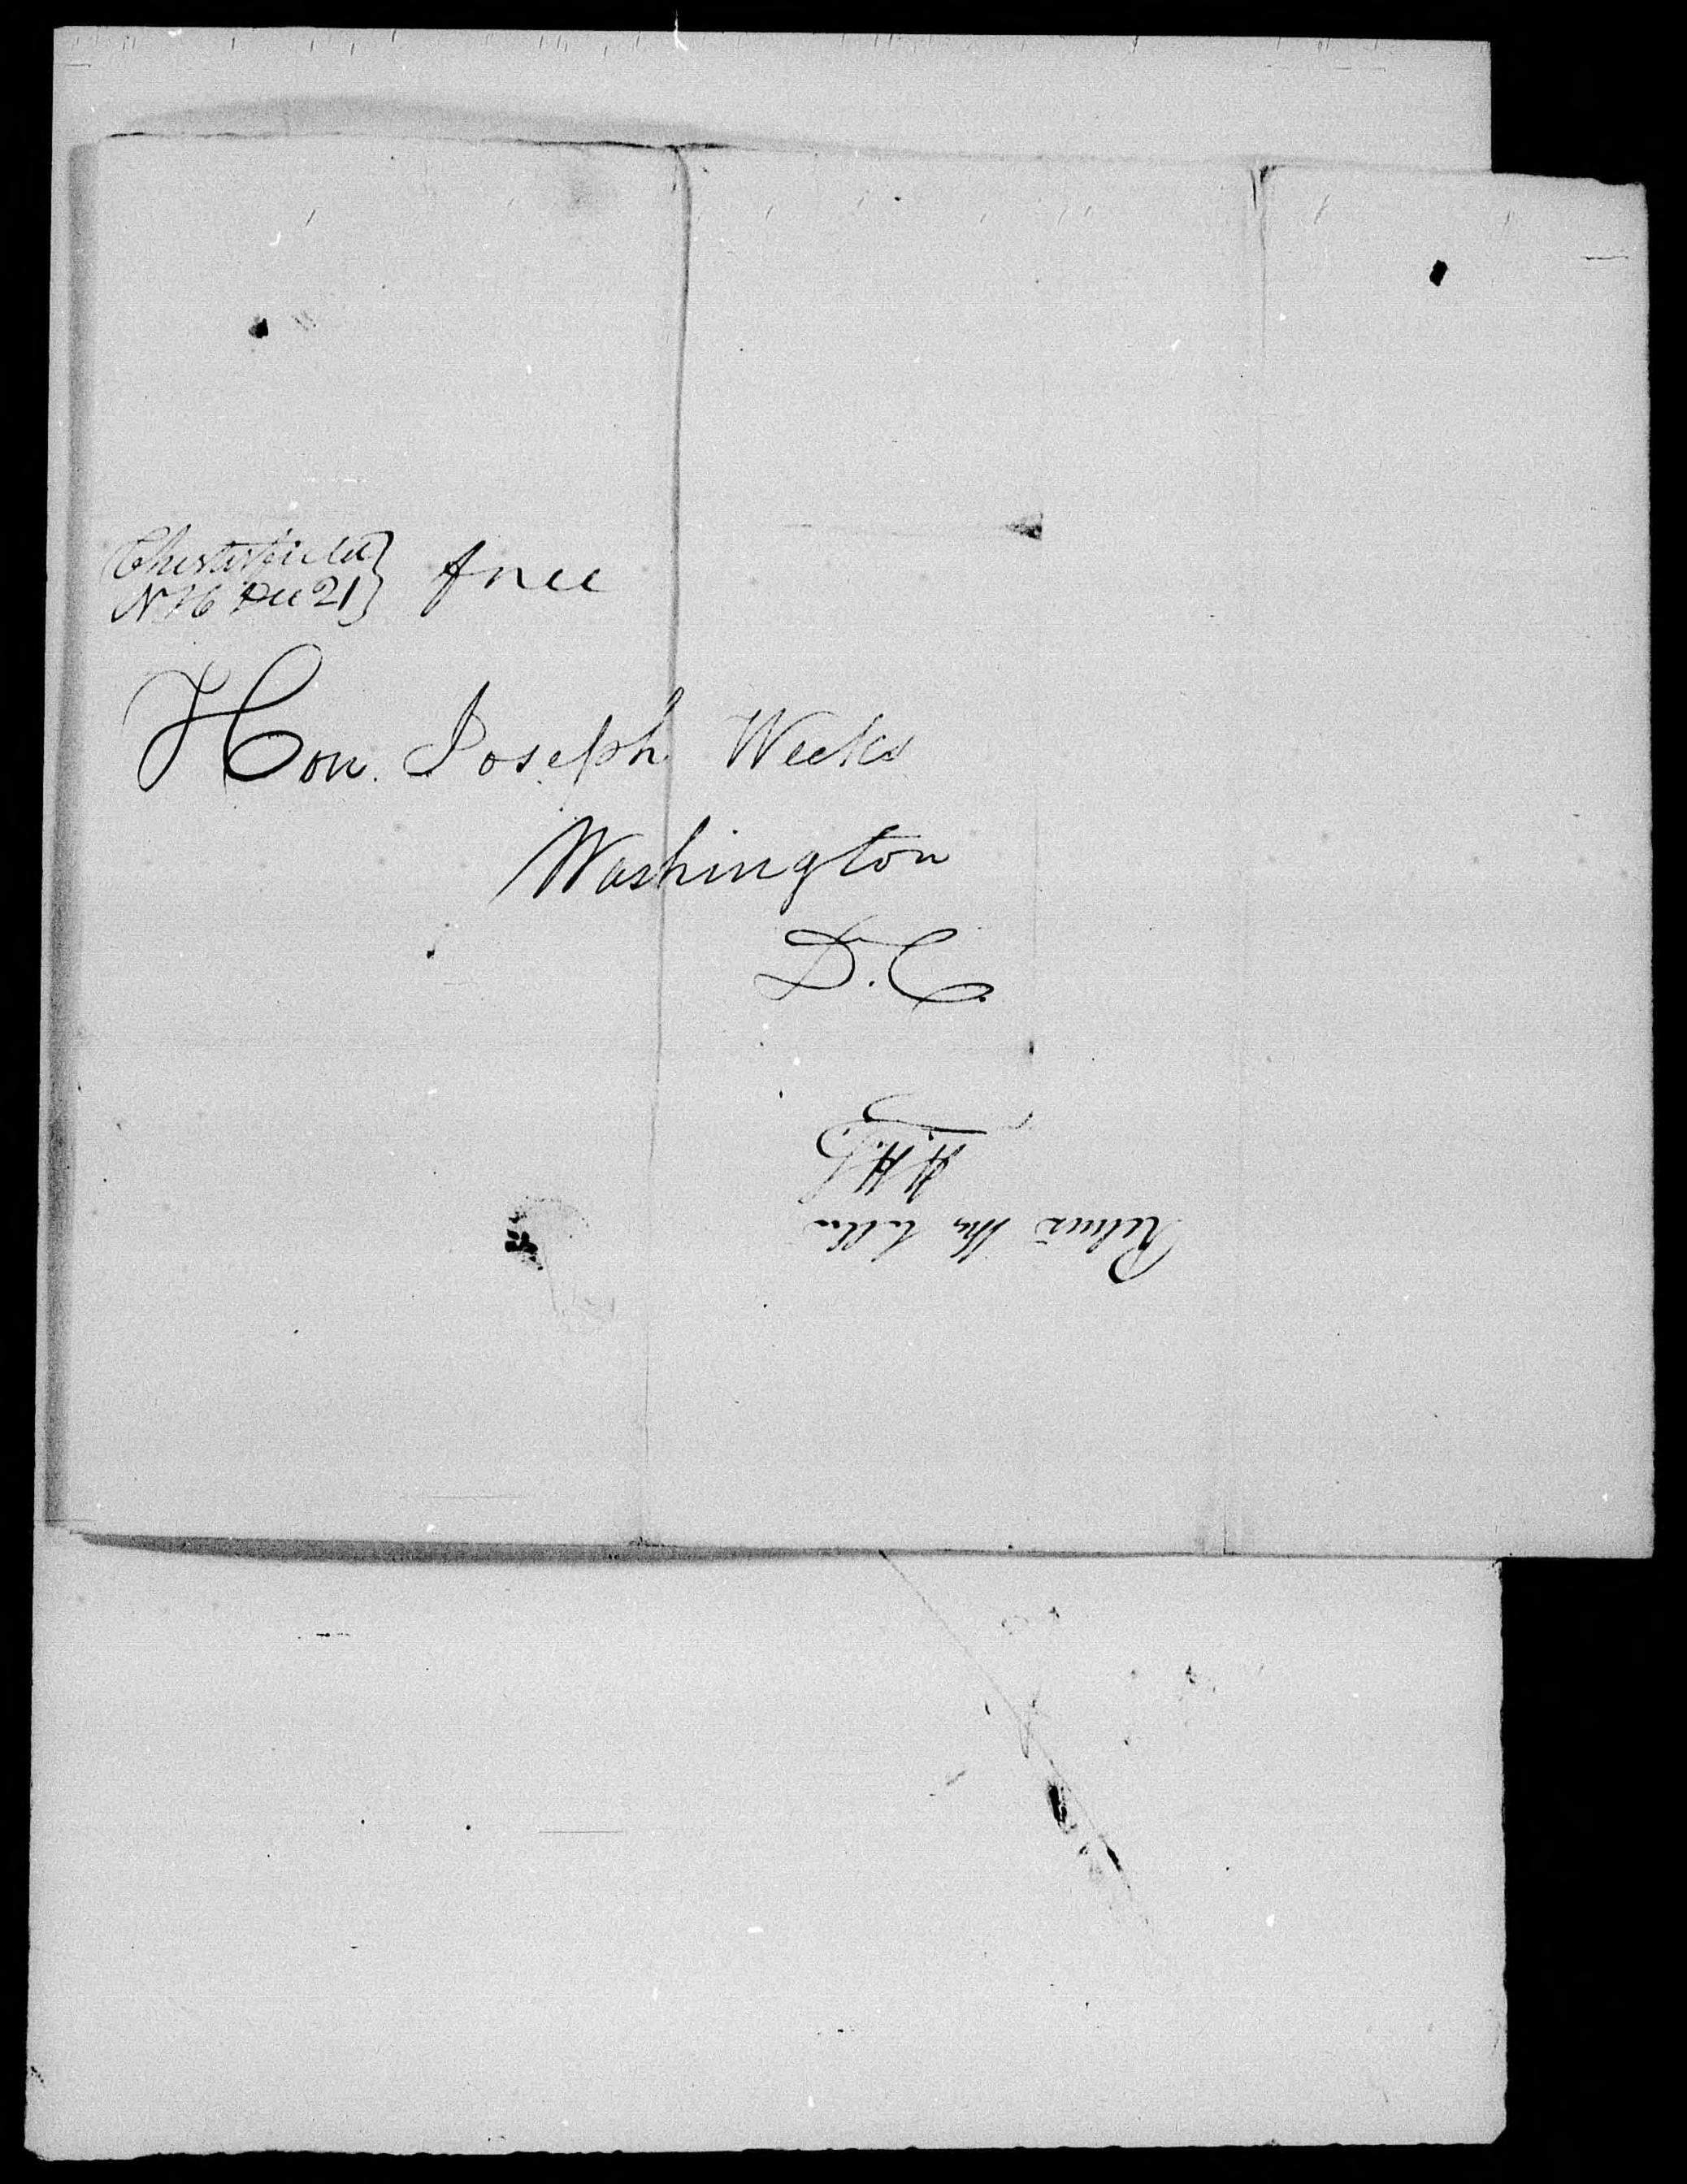Chesterfield}      free
NH Dec 21 }


Hon Joseph Weeks
Washington 
D.C.

[upside down]

Release (?) this letter
HHL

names: Joseph Weeks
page: 28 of 31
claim: widow's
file: W. 22946, Joel Dickinson, Mass.